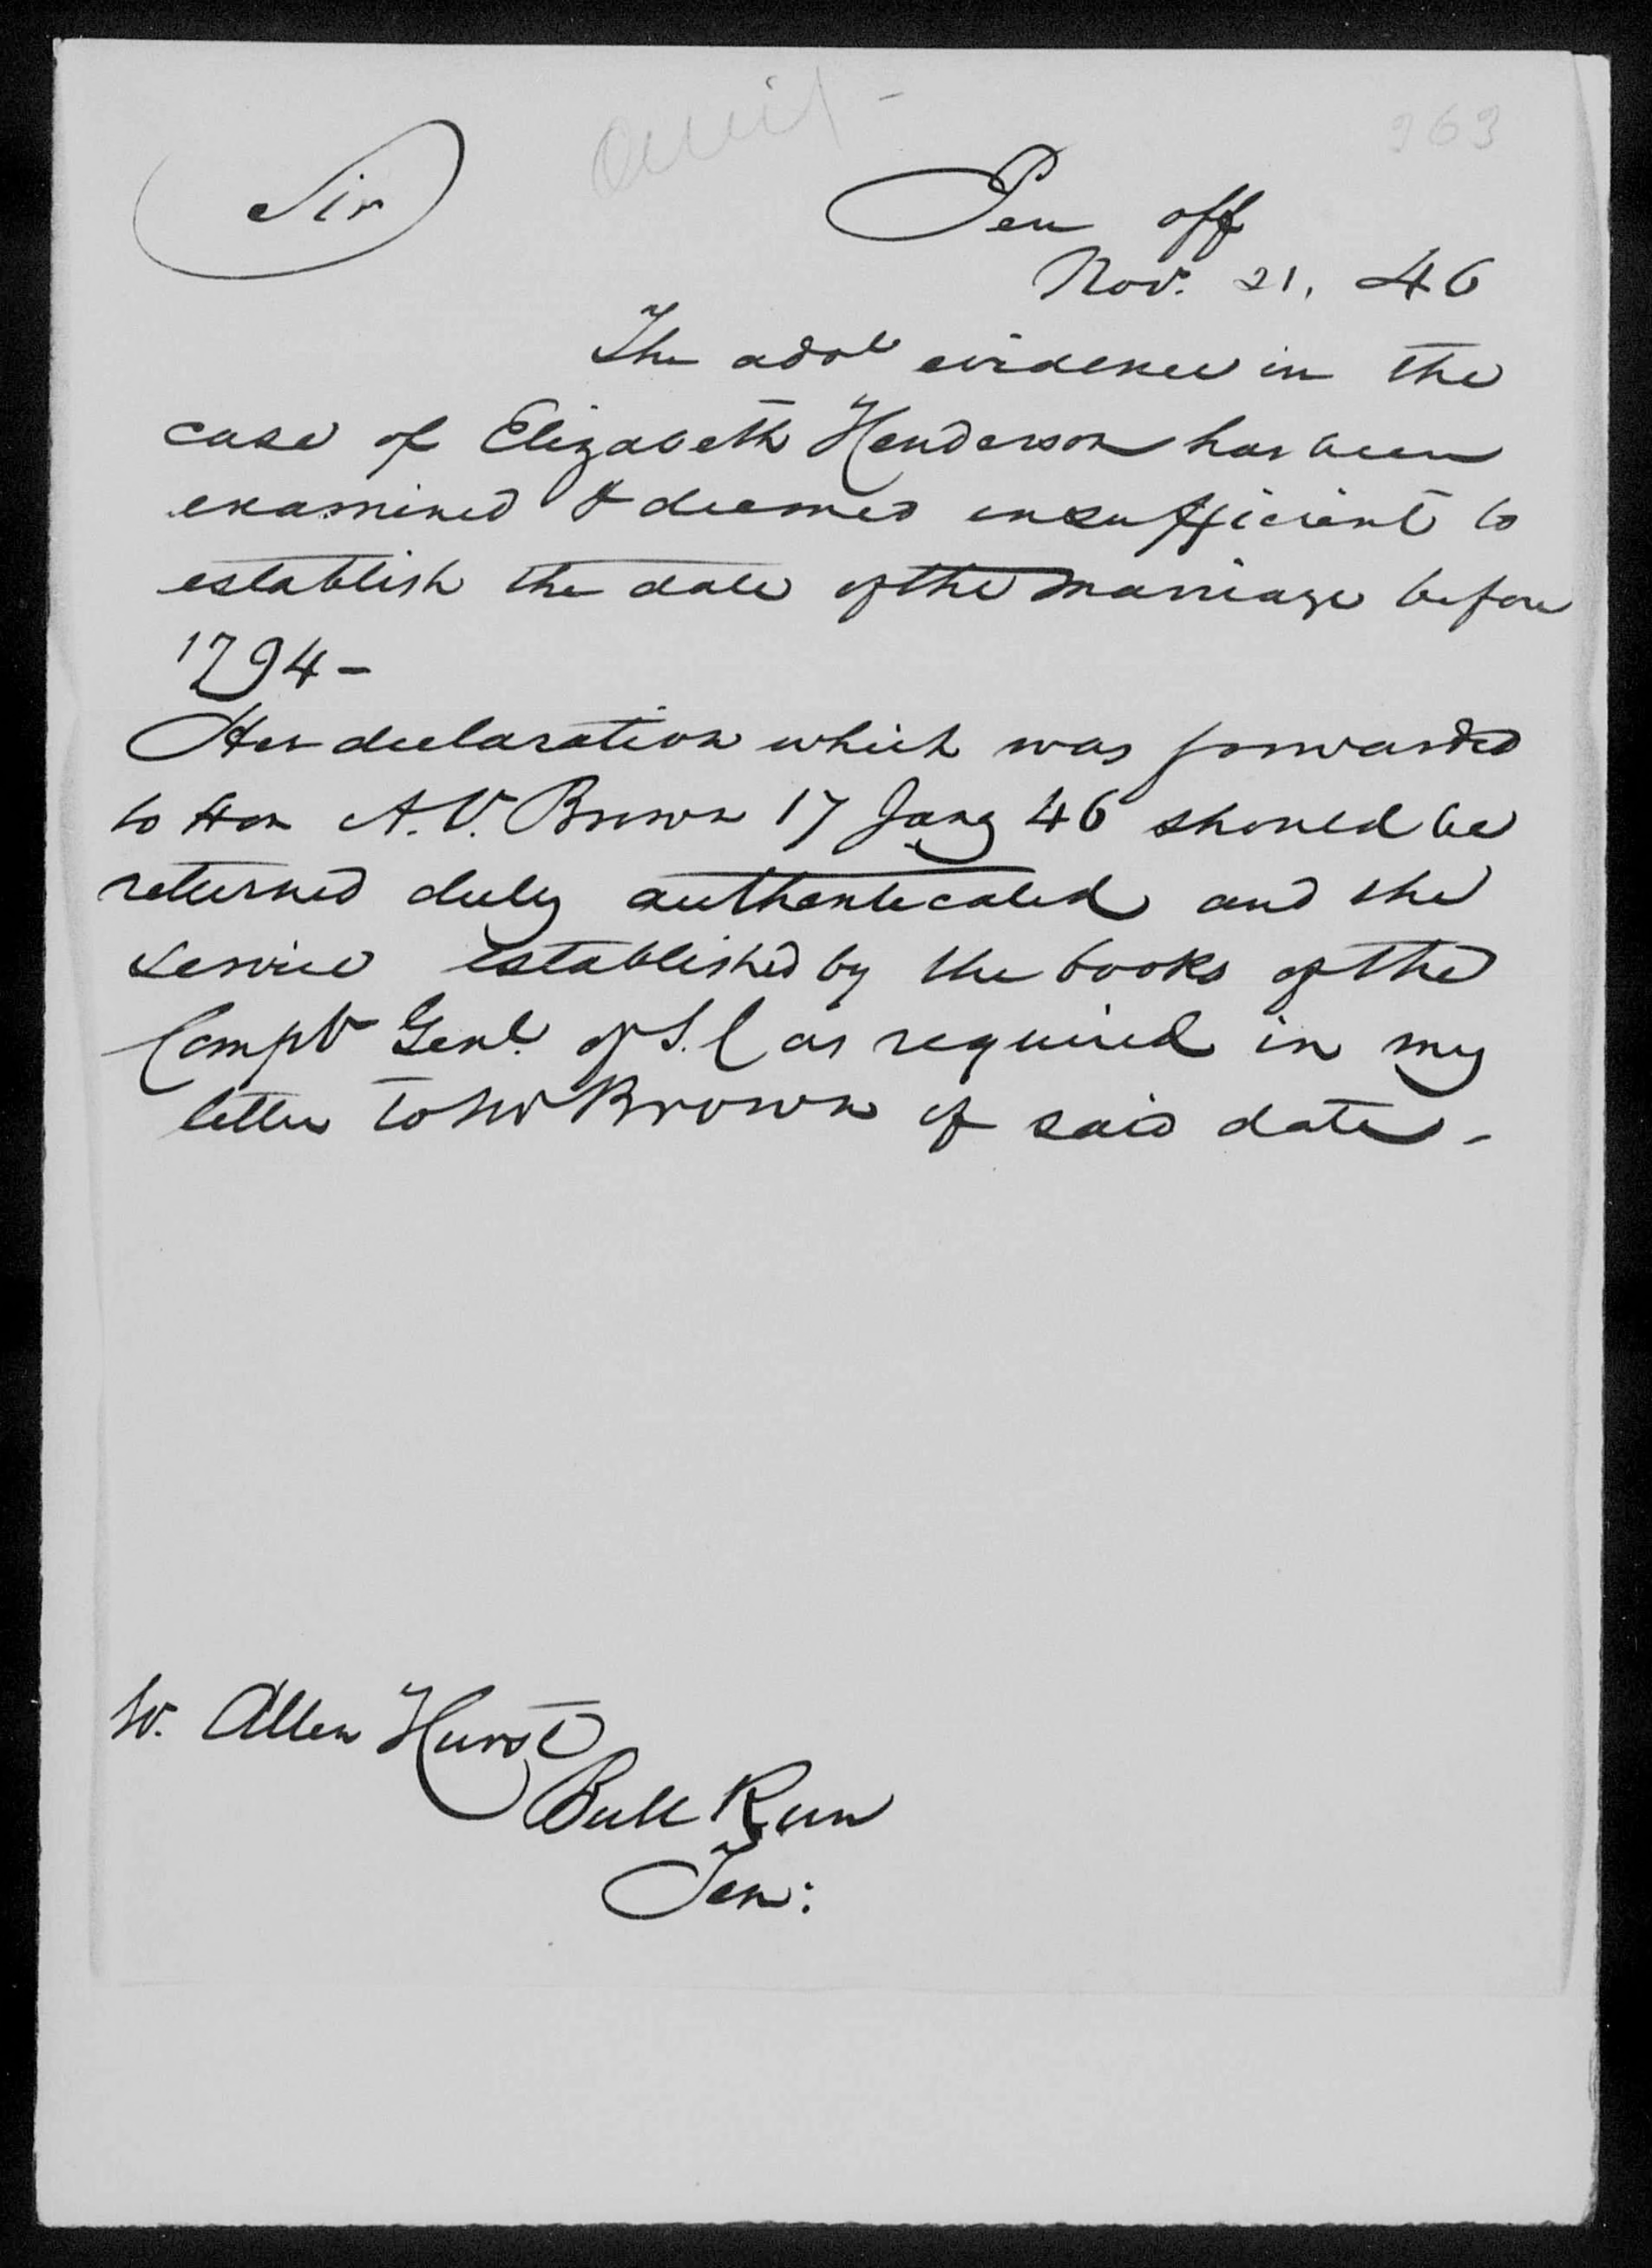Sir.                    wid-    963

Pen off
Nov. 21, 46

The [illegible] evidence in the
case of Elizabeth Henderson has been
examined & deemed insufficient to
establish the date of the marriage before
1794 -

Her declaration which was forwarded
to Hon A. V. Brown 17 Jan 46 should be
returned duly authenticated and the
service established by the books of the
Compt Genl of S.C as required in my
letter to Mr Brown of said date.

To. Allen Hurst
Bull Run
Ten:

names: Allen Hurst, Elizabeth Henderson, A V Brown, Brown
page: 32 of 40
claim: rejected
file: R. 4,869, John Henderson, S.C.